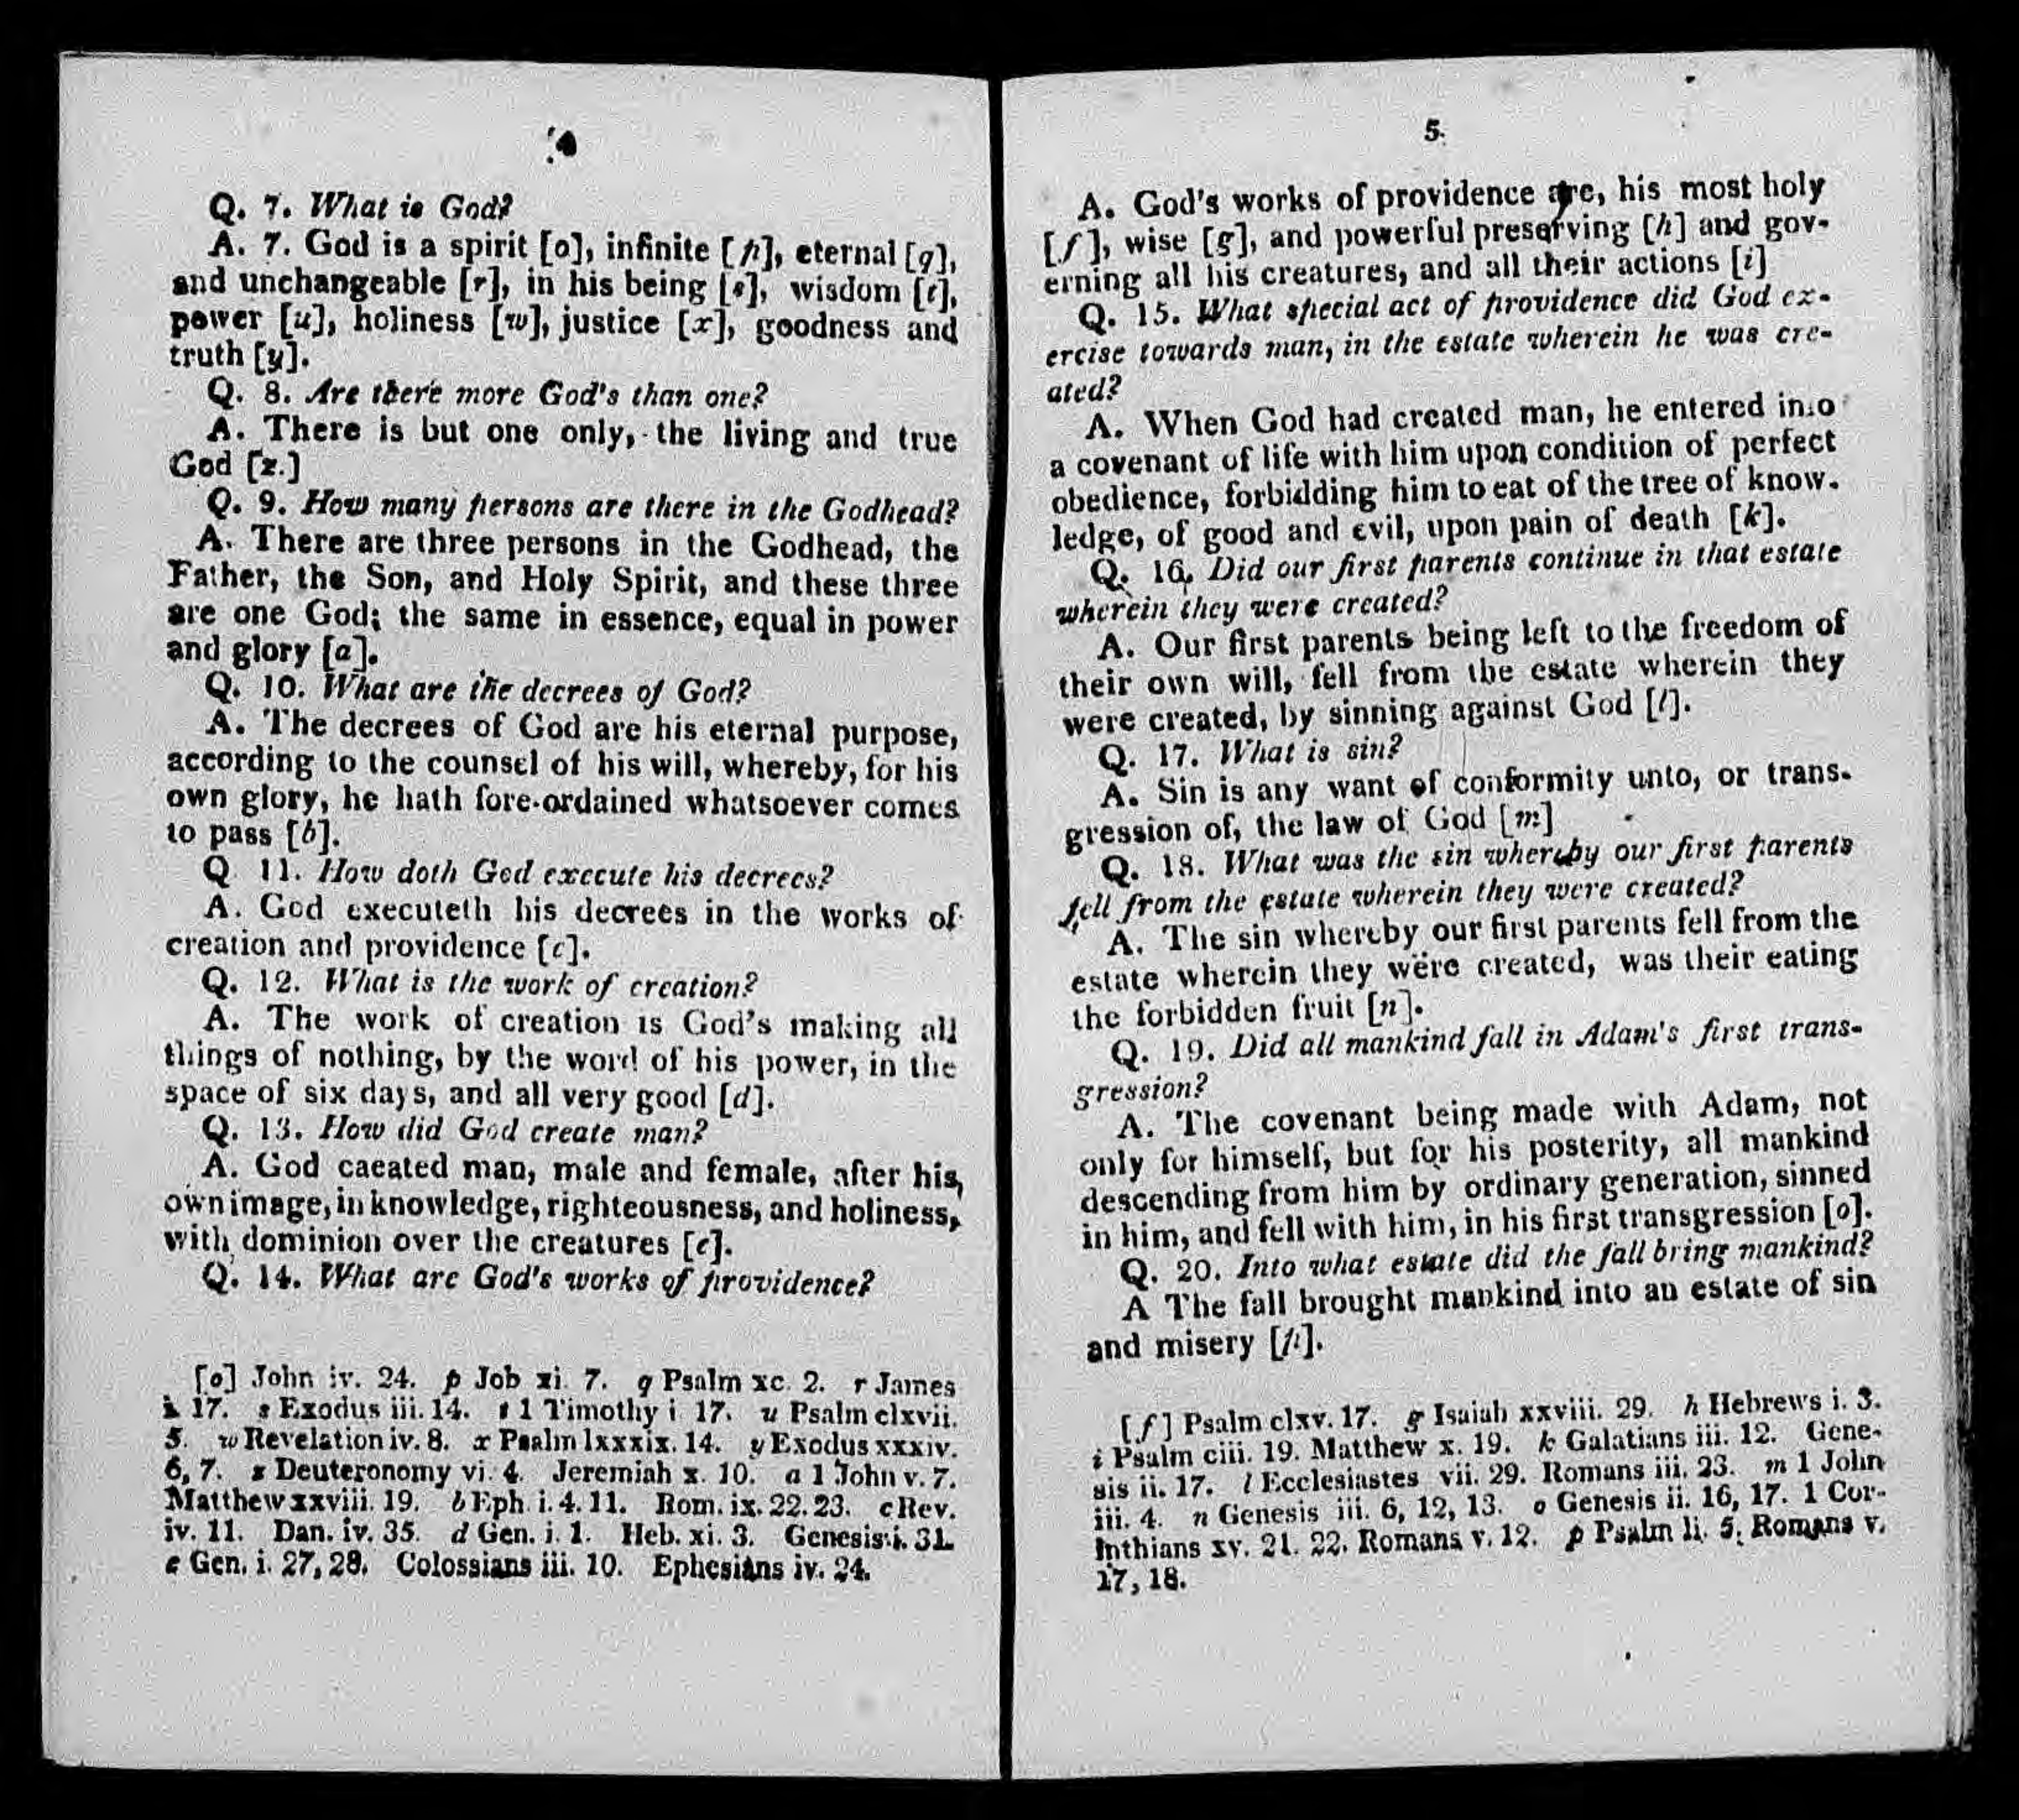4

Q. 7. What is God?
A. 7. God is a spirit [o], infinite [p], eternal [q],
and unchangeable [r], in his being [s], wisdom [t],
power [u],  holiness [w], justice [x], goodness and
truth [y].

Q. 8. Are there more God's than one?
A. There is but one only, the living and true
God [z.]

Q. 9. How many persons are there in the Godhead?
A. There are three persons in the Godhead, the
Father, the Son, and Holy Spirit, and these three
are one God, the same in essence, equal in power
and glory [a].

Q. 10. What are the decrees of God?
A. The decrees of God are his eternal purpose,
according to the counsel of his will, whereby, for his
own glory, he hath fore-ordained whatsoever comes
to pass [b].

Q. 11. How doth God execute his decrees?
A. God executeth his decrees in the works of
creation and providence [c].

Q. 12. What is the work of creation?
A. The work of creation is God's making all
things of nothing, by the word of his power, in the
space of six days, and all very good [d].

Q. 13. How did God crease man?
A. God created man male and female, after his
own image, in knowledge, righteousness, and holiness,
with dominion over the creatures [e].

Q. 14. What are God's works of providence?

[o] John iv. 24.  p Job xi. 7.  q Psalm xc. 2.   r James
i 17.   s Exodus iii. 14.  t 1 Timothy i 17.   u Psalm clxvii.
5.  w  Revelation iv. 8.  x  & Psalm lxxxix. 14.   y Exodus xxxiv.
6, 7.  z  Deuteronomy vi. 4.   Jeremiah x 10.   a 1 John v. 7.
Matthew xxviii 19.     b Eph. i. 4. 11.   Rom. ix. 22.23.  c  Rev.
iv. 11.   Dan. iv. 35.   d Gen. i. 1. Heb. xi. 3.   Genesis i. 31.
e Gen. i. 27, 28.   Colossians iii. 10.   Ephesians iv. 24.

5

A. God's works of providence are, his most holy
[f], wise [g], and powerful preserving [h] and governing
all his creatures, and all their actions [i]

Q. 15. What special act of providence did God exerise
towards man, in the estate wherein he was created?
A.  When God had created man, he entered into
a covenant of life with him upon condition of perfect
obedience, forbidding him to eat of the tree of knowledge
of good and evil, upon pain of death [k].

Q. 16. Did our first parents continue in that estate
wherein they were created?
A. Our first parents being left to the freedom of
their own will, fell from the estate wherein they
were created, by sinning against God [l].

Q. 17. What is sin?
A. Sin is any want of conformity unto, or transgression
of the law of God [m].

Q. 18. What was the sin whereby our first parents
fell from the estate wherein they were created?
A. The sin whereby our first parents fell from the
estate wherein they were created, was their eating
the forbidden fruit [n].

Q. 19. Did all mankind fall in Adam's first transgression ?
A. The covenant being made with Adam, not
only for himself, but for his posterity, all mankind
descending from him by ordinary generation, sinned
in him, and fell with him, in his first transgression [o].

Q. 20. IInto what estate did the fall bring mankind?
A. The fall brought mankind into an estate of sin
and misery [f].

[f] Psalm clxv. 17.   g Isaiah xxvii. 29.   h Hebrews i. 3.
i Psalm ciii.. 19. Matthew x 19.  k Galatians iii. 12.  Genesis
ii. 17.  lEcclesiastes vii. 29.  Romans iii. 23   m 1 John
iii. 4.   n Genesis iii. 6, 12, 13.   o Genesis ii, 16, 17.   1 Corinthians
xv. 21, 22,   Romans v. 12.   p Psalm li. 5.   Romans v.
17, 18.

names: Adam, Matthew, Job, Dan, Jeremiah, Isaiah, Matthew, Timothy, John, James, John, John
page: 63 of 98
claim: widow's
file: W. 8398, William Broadway, S.C.